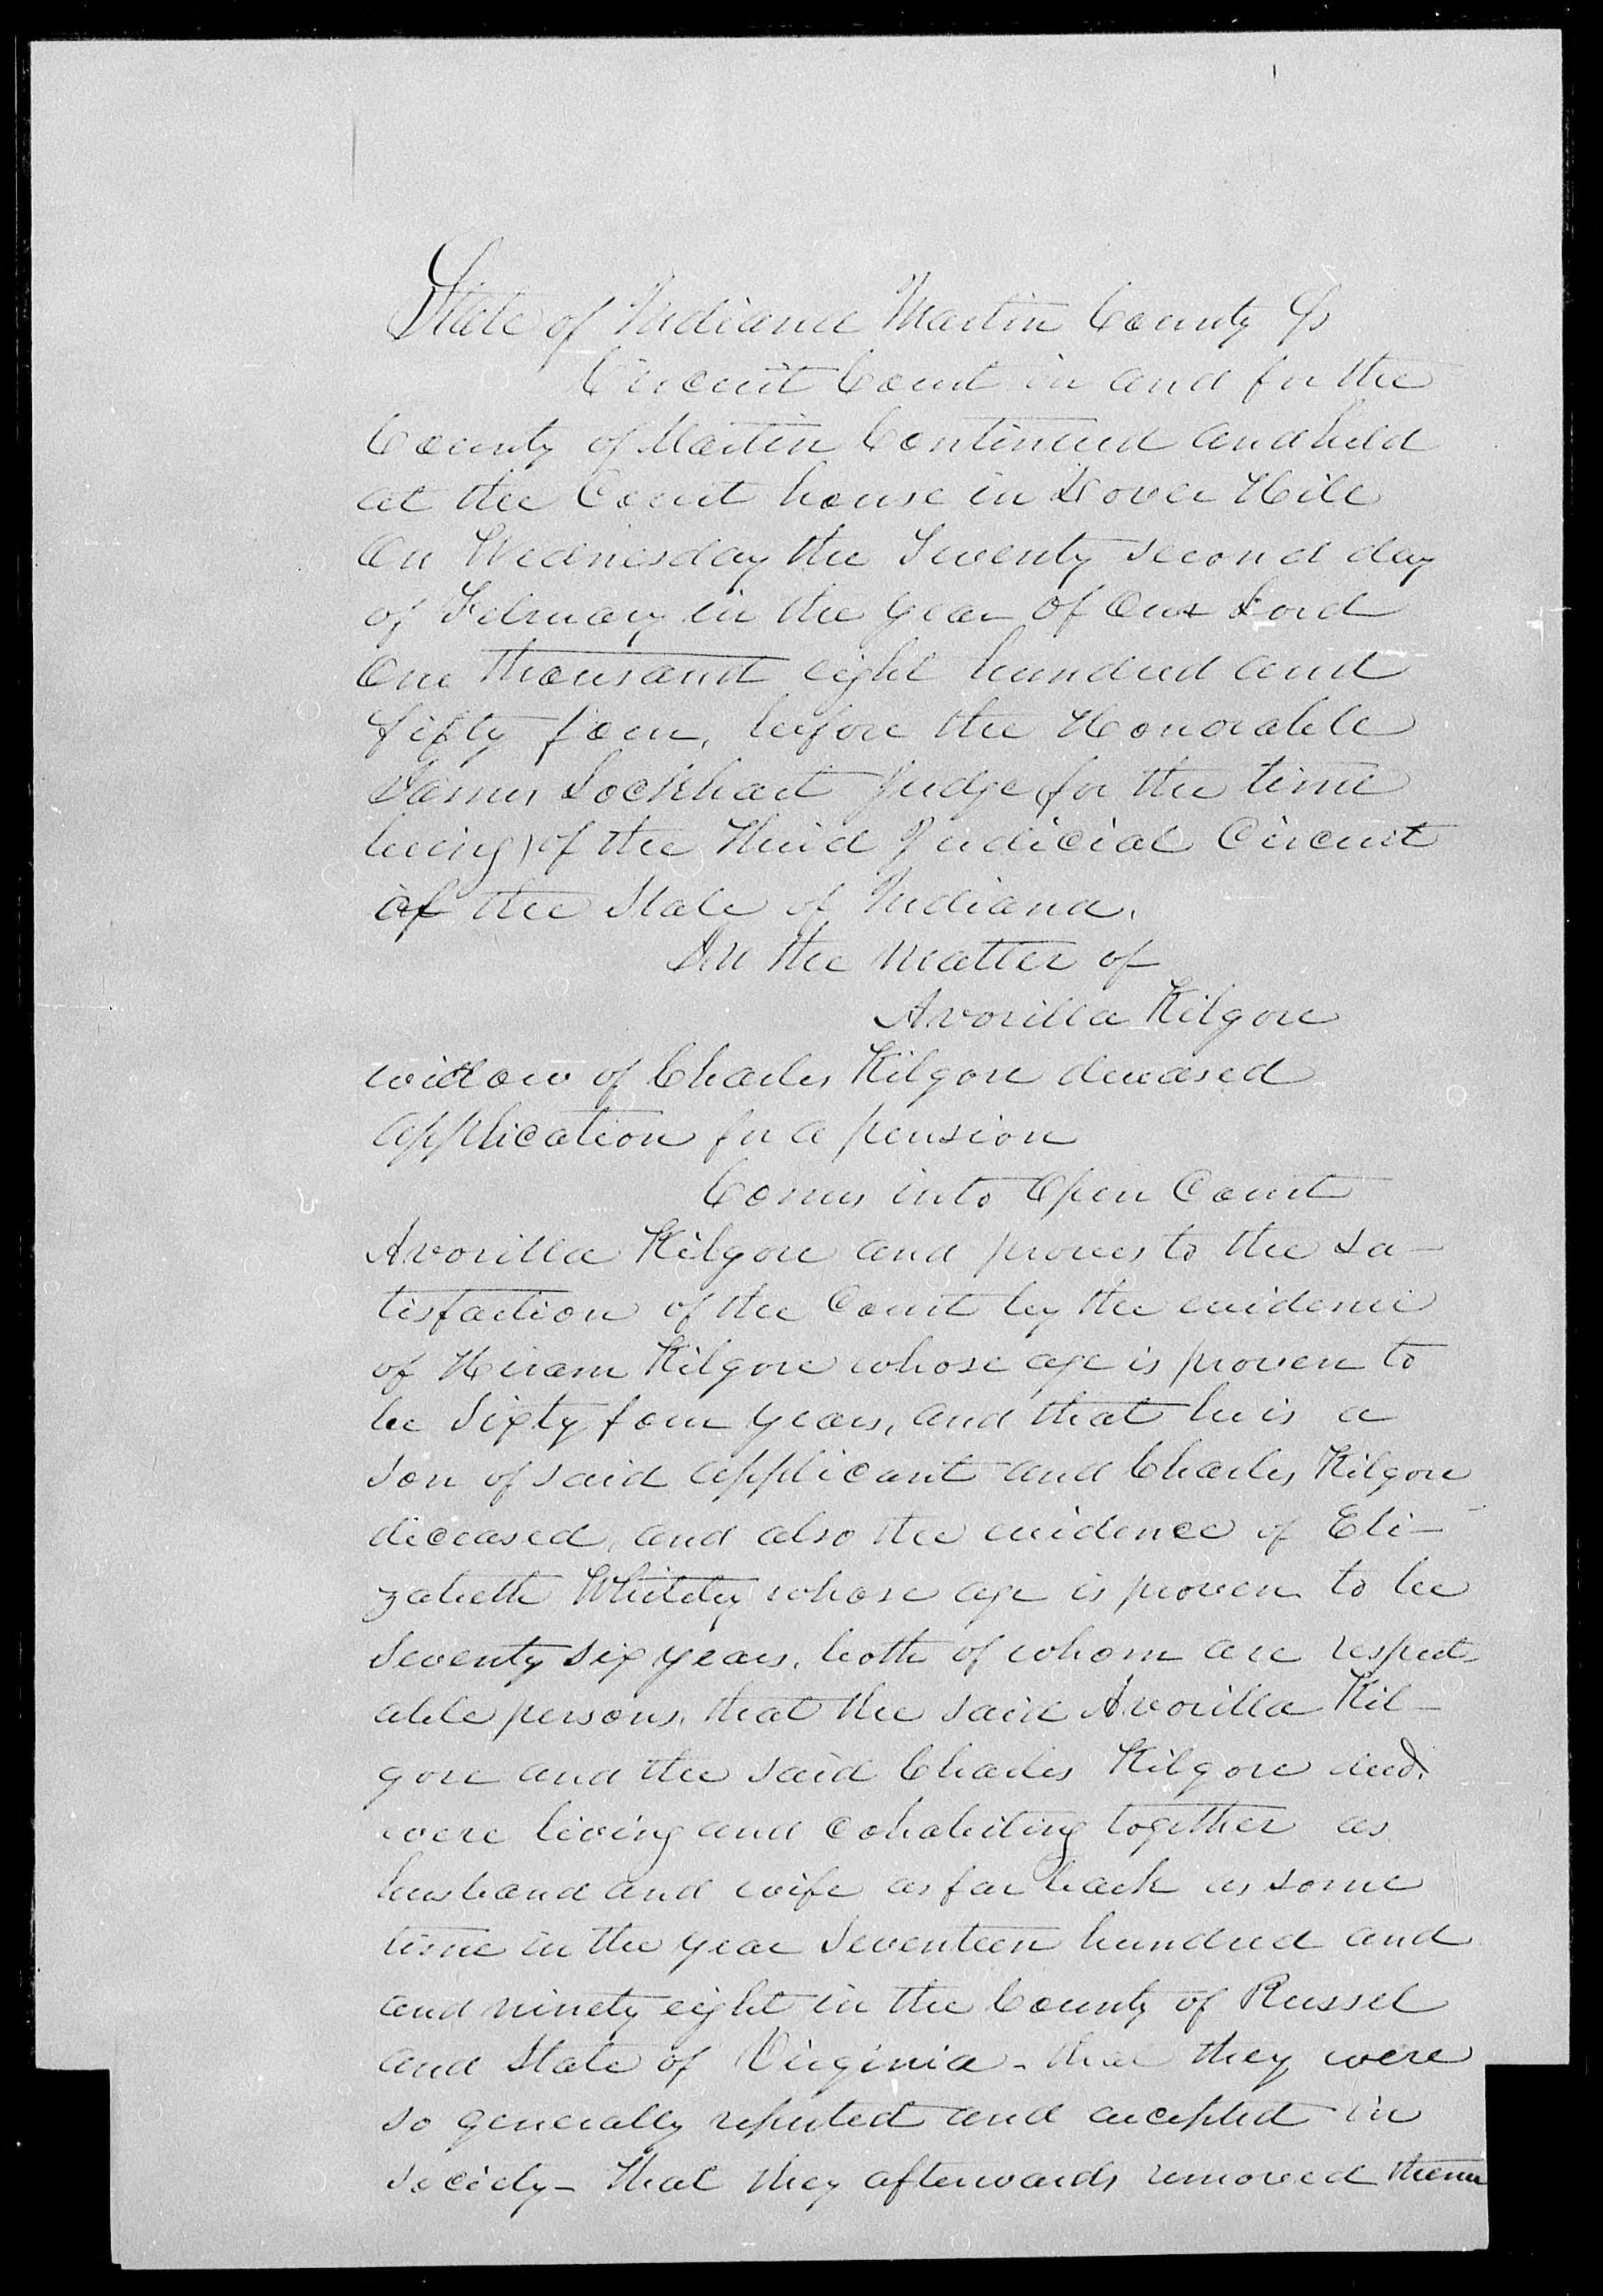State of Indiana Martin County ss
Circuit Court in and for the County of Martin Continued and held at the Court house in Dover Hill On Wednesday the Twenty second day of February in the year of our Lord One thousand eight hundred and fifty four, before the Honorable James Lockhart Judge for the time being of the Third Judicial Circuit of the State of Indiana
In the matter of Avorilla [Avarilla] Kilgore
Willow of Charles Kilgore deceased
Application for a pension
Comes into Open Court Avorilla Kilgore and proves to the satisfaction of the Court by the evidence of Hiram Kilgore whose age is proven to be sixty four years, and that he is a Son of said applicant and Charles Kilgore deceased, and also the evidence of Elizabeth Whiteley whose age is proven to be Seventy six years, both of whom are respectable persons, that the said Avorilla Kilgore and the said Charles Kilgore decd. were living and cohabiting together as husband and wife as far back as some time in the year Seventeen hundred and and ninety eight in the County of Russel and State of Virginia, that they were so generally reputed and accepted in society, that they afterwards removed thence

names: James Lockhart; Charles Kilgore; Hiram Kilgore; Elizabeth Whiteley; Avorilla Kilgore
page: 53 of 115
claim: survivor's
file: S. 699, for Charles Kilgore, Virginia